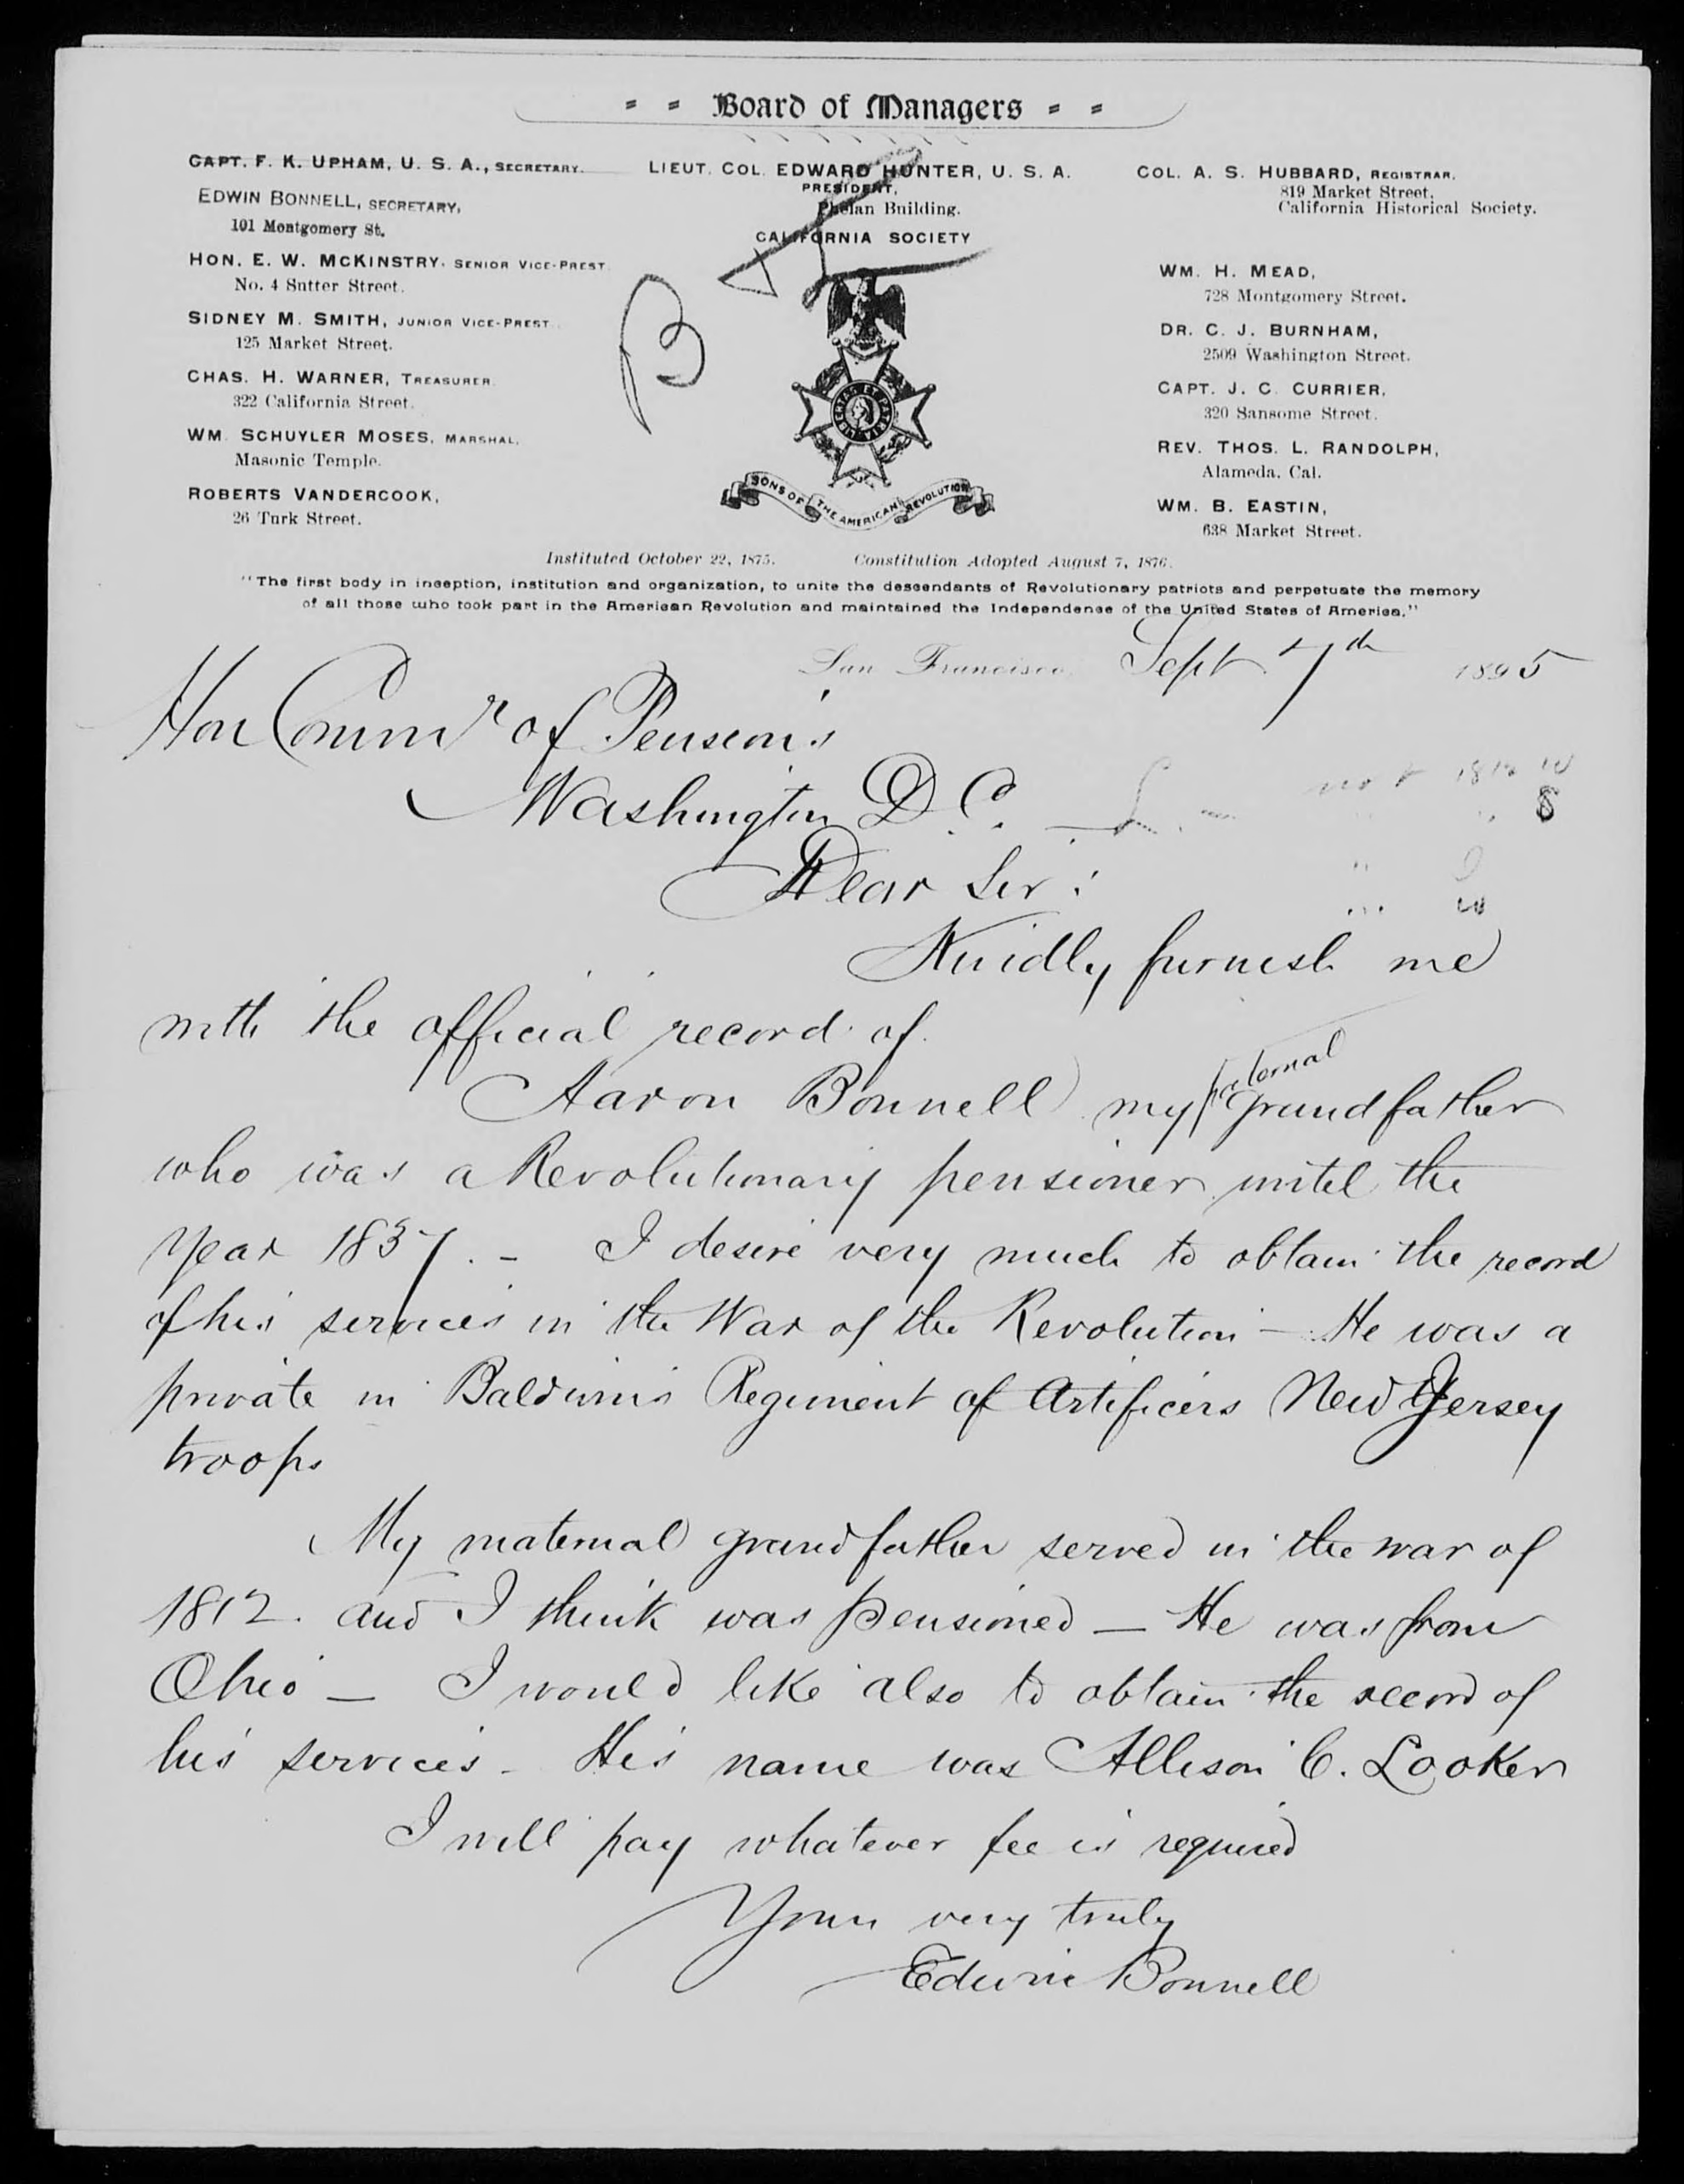Board of Managers
Capt. F.K. Upham, W.S.A., Secretary
Lieut. Col. Edward Hunter, U.S.A. President Phelan Building California Society
Col. A.S. Hubbard, Registrar
819 Market Street,
California Historical Society.
Edwin Bonnell, Secretary 101 Montgomery St.
Hon. E.W. McKinstry, Senior Vice-Prest. NO r Sutter Street
Sidney M. Smith, Junior Vice Preset. 125 Market Street
Chas. H. Warner, Treasurer
322 California Street
Wm. Schuyler Moses, Marchal, Masonic Temple
Roberts Vandercook, 26 Turk Street
Wm H. Mead 728 Montgomery Street
Dr. C.J. Burnham 2509 Washington Street
Capt. J.C. Currier 320 Sansome Street
Rev. Thos. L. Randolph, Alameda, Cal.
Wm. B. Eastin,  638 Market Street
Sons of the American Revolution
Instituted October 22, 1875  Constitution adopted August 7, 1876
"The first body in inception, institution and organization, to unite the descendants of Revolutionary patriots and perpetuate the memory of all those who took part in the American Revolution and maintained the Independence of the United States of America."

San Francisco
Sept 7th 1895

Hom Comm of Pensions
Washington D.C.
Dear Sir:
Kindly furnish me with the official record of Aaron Bonnell my paternal grandfather who was a Revolutionary pensioner until the year 1837.  I desire very much to obtain the record of his services in the War of the Revolution.  He was a private in Baldwins Regiment of Artificers New Jersey troops.

My maternal grandfather served in the war of 1812 and I think was pensioned.  He was from Ohio.  I would like also to obtain the record of his services.  HIs name was Allison C. Looker.  
I will pay whatever fee is required.
Yours very truly
Edwin Bonnell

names: Wm B Eastin, A S Hubbard, Aaron Bonnell, J C Currier, Thos L Randolph, Wm Schuyler Moses, Chas H Wabner, E W Mc Kinstry, Edwin Bonnell, C J Burnham, Wm H Mead, Allison C Looker, Roberts Vandercook, Sidney M Smith, F K Upham, Edwin Bonnell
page: 60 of 67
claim: rejected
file: R. 1009, Aaron Bonnel, New Jersey